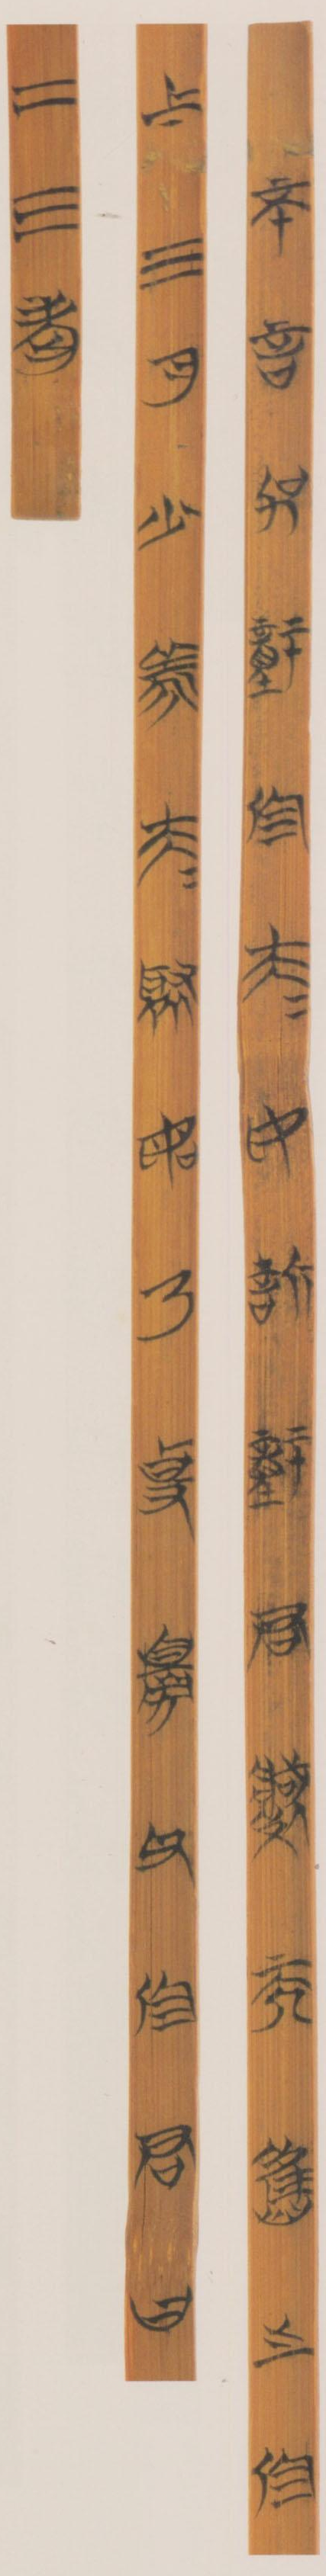不言加{童主}於夫=女{十言斤}{童主}君{爿或死}而舊之於上三月少羕夫=聚{母口}乃史臱父於君曰二三老
